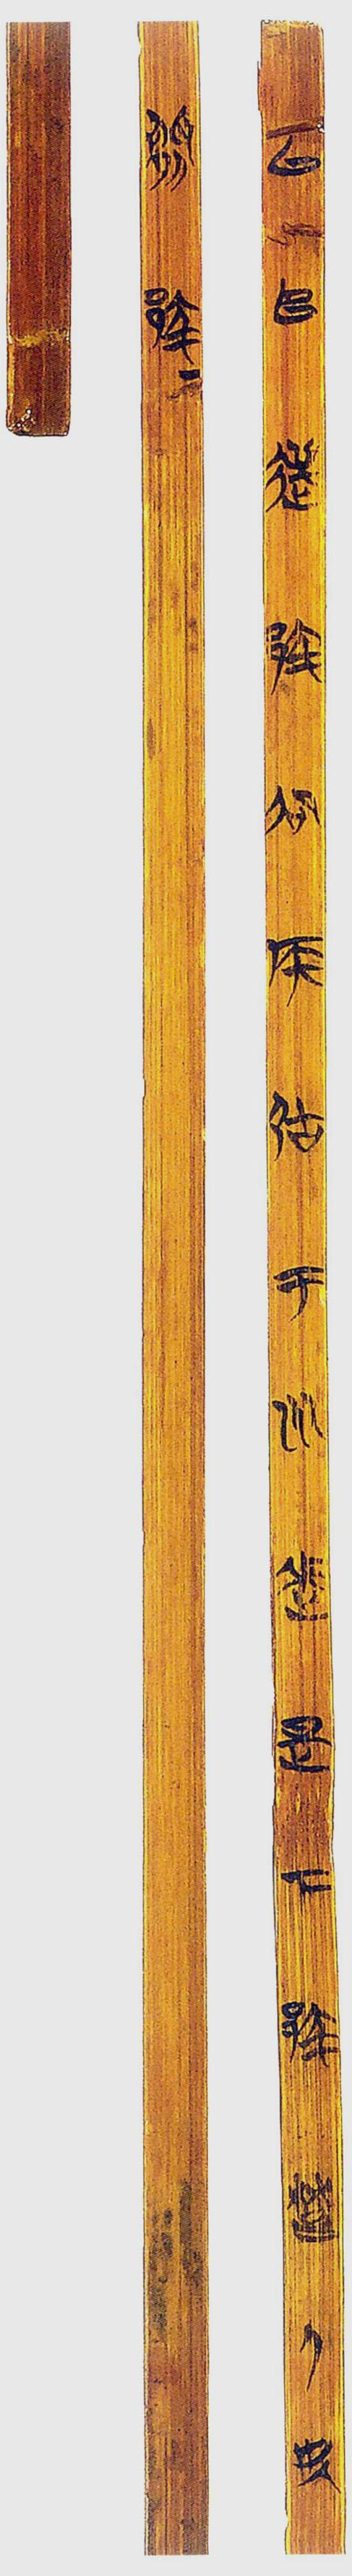㠯（以）𠂤逆○（蔡）卲侯居于州麥是下○（蔡）楚人𡚦{門夕刀}○（蔡）
